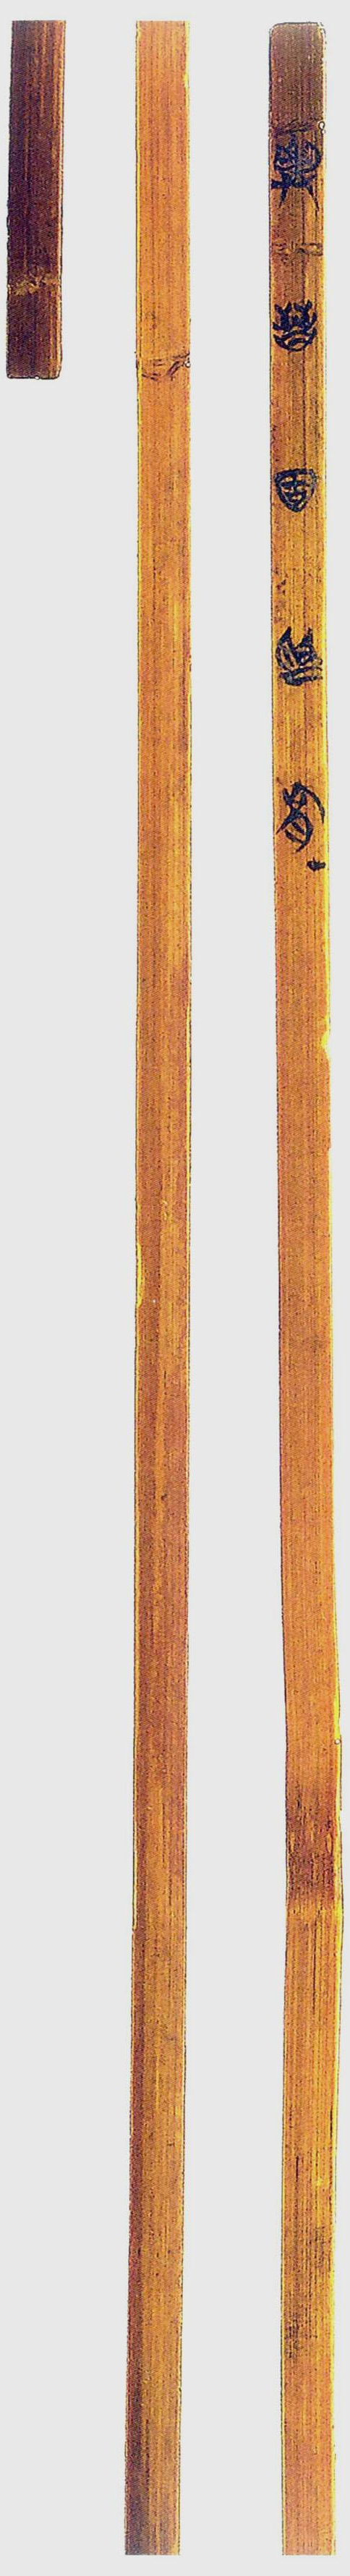與晉固爲{占肉}
